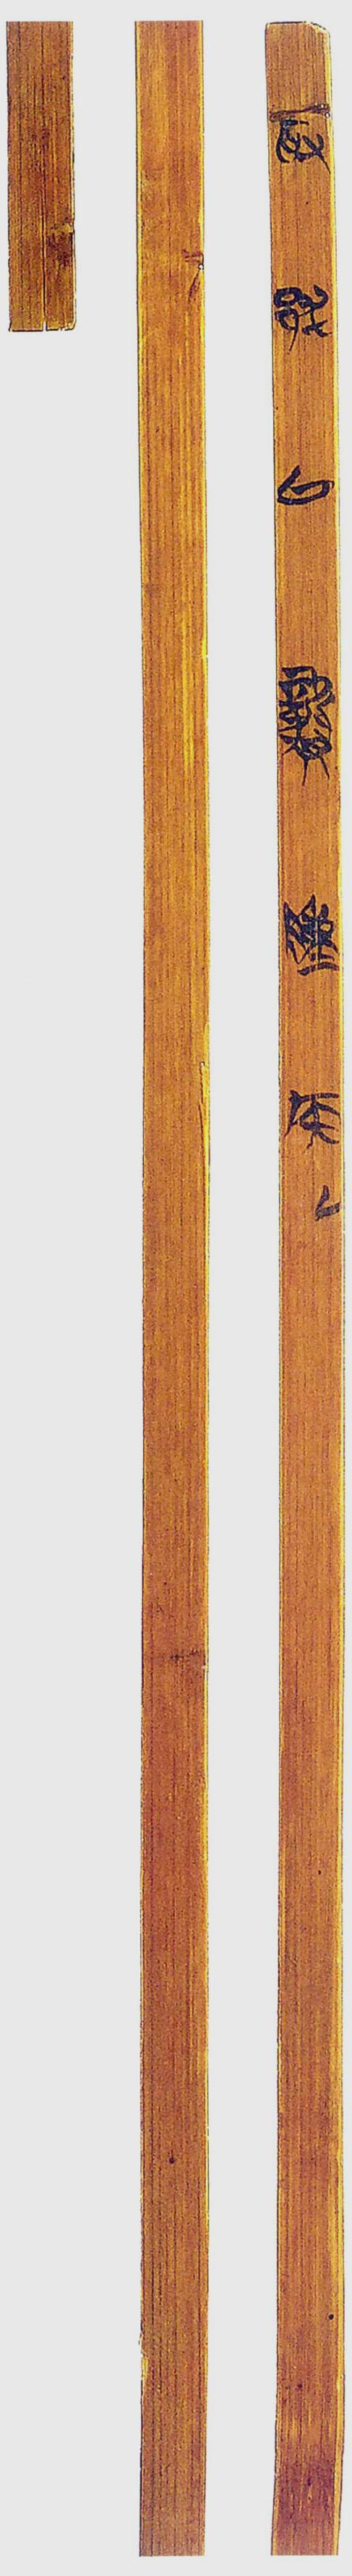取邨㠯（以）贛陳侯
